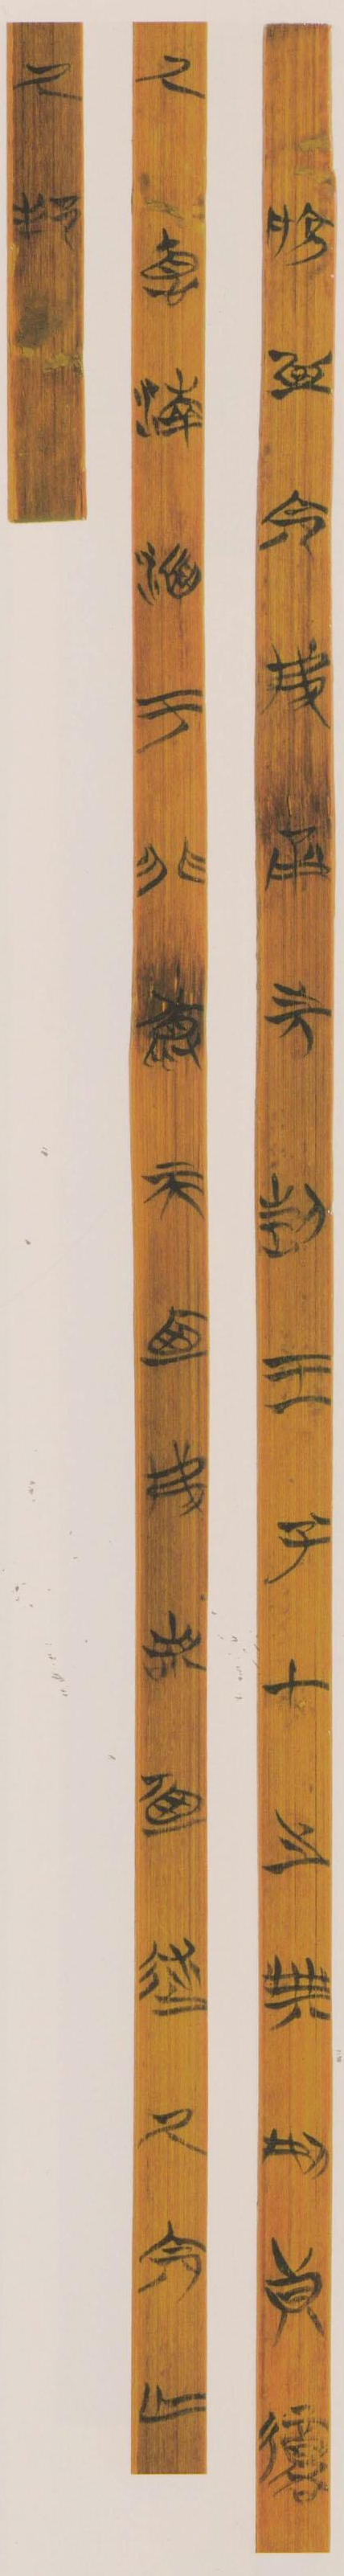{爿兔}𠀠命弗甬先{屮二屮刀}王孔甲之典刑真復氒惪湳湎于非彝天廼弗若廼述氒命亡氒邦
